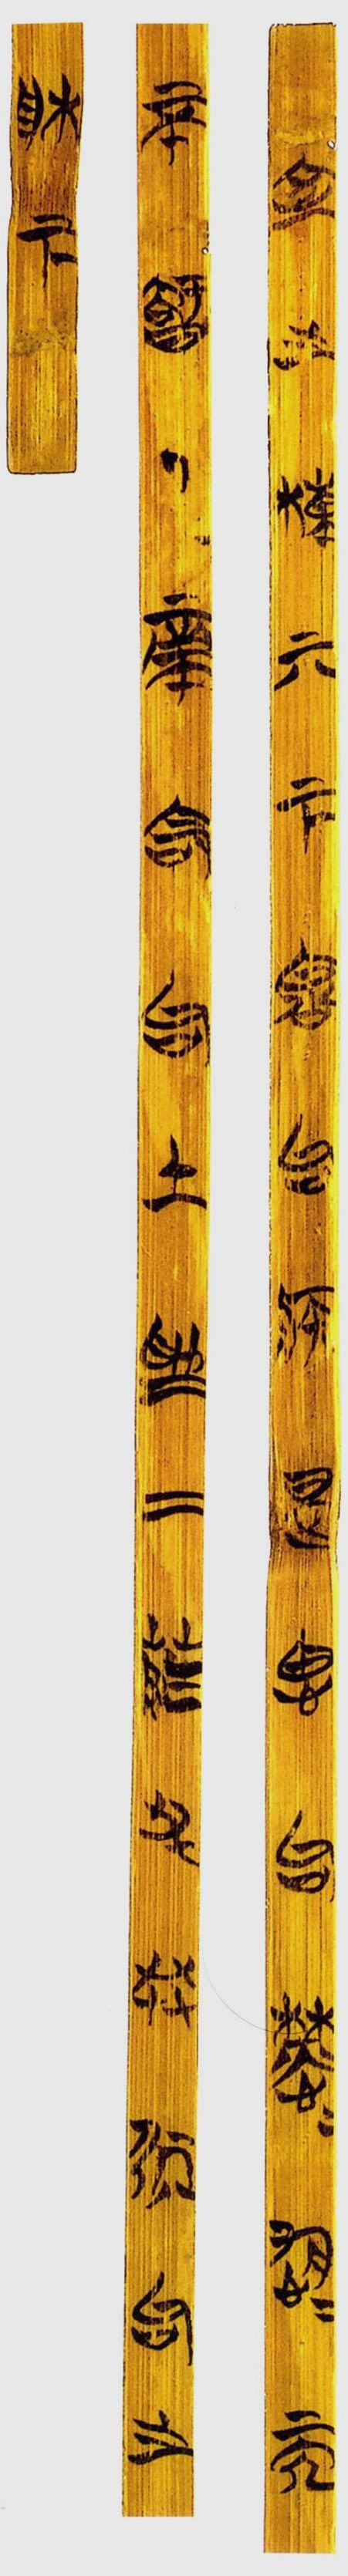室之棟亓下{余口}（余）句疾是思句{林火心}=恂=而不智人帝命句土爲二{艹阝仌}（陵）屯共凥句之牀下
